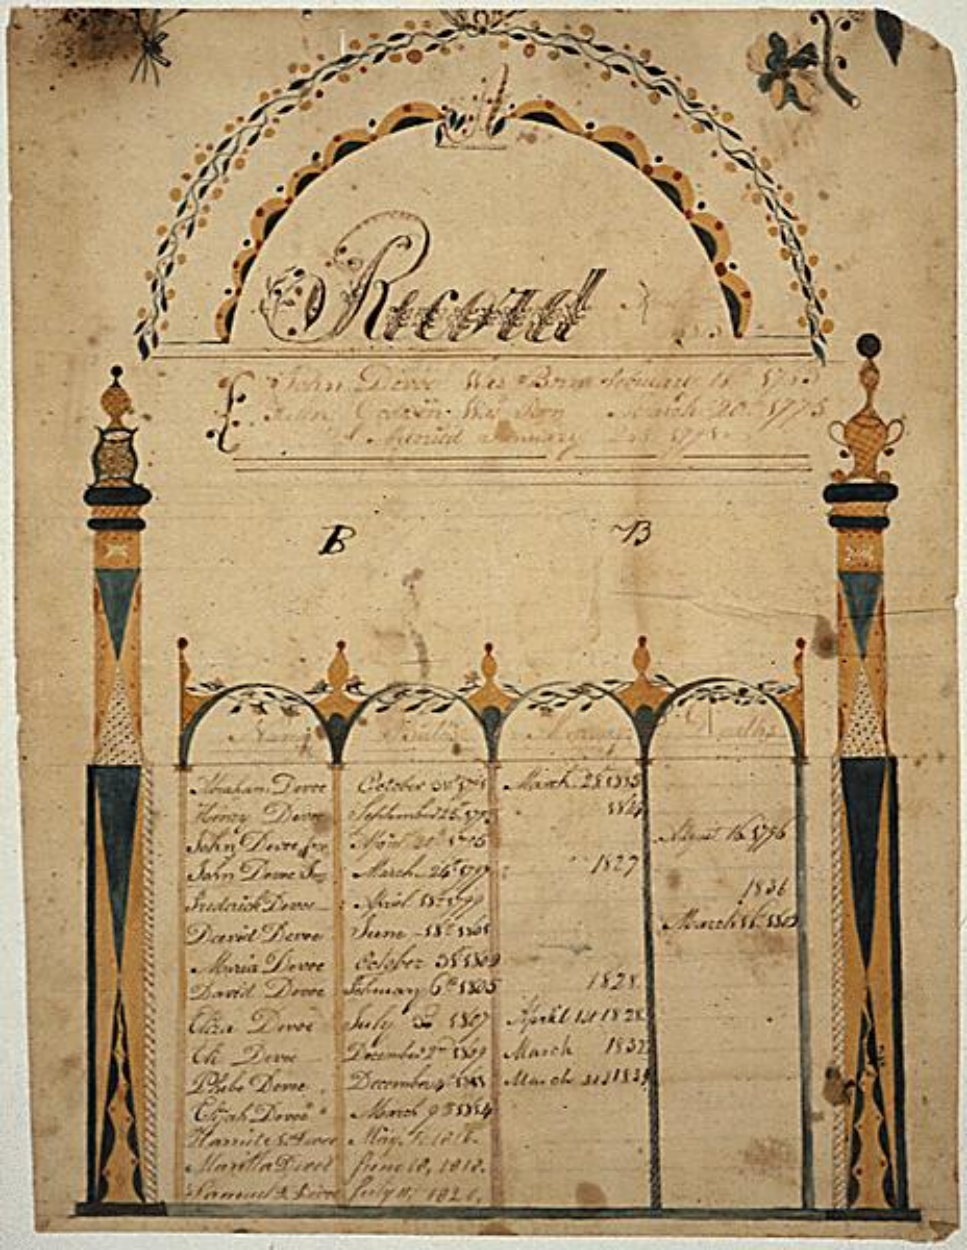Record
John Devoe Branchburg


Married January 1795
B
Abraham Devoe  October  March 25 1815
Henry Devoe  September 25 
John Devoe  31 17
John Devoe Sr March 26  17 1827
Frederick Devoe  April 1799 1836
David Devoe  June  March
Maria Devoe  October 25 1809
David Devoe  February 6 1805
E Devoe  July 2 1807
Eli Devoe  December 2 1809
Phebe Devoe  December   March 1839
Elijah Devoe  March 9
Harriete Devoe  May 1 1816
M  June 12 1812
Samuel A  July 11 1826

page: 1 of 1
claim: widow's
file: W20972 for John Devoe, New Jersey.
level: item